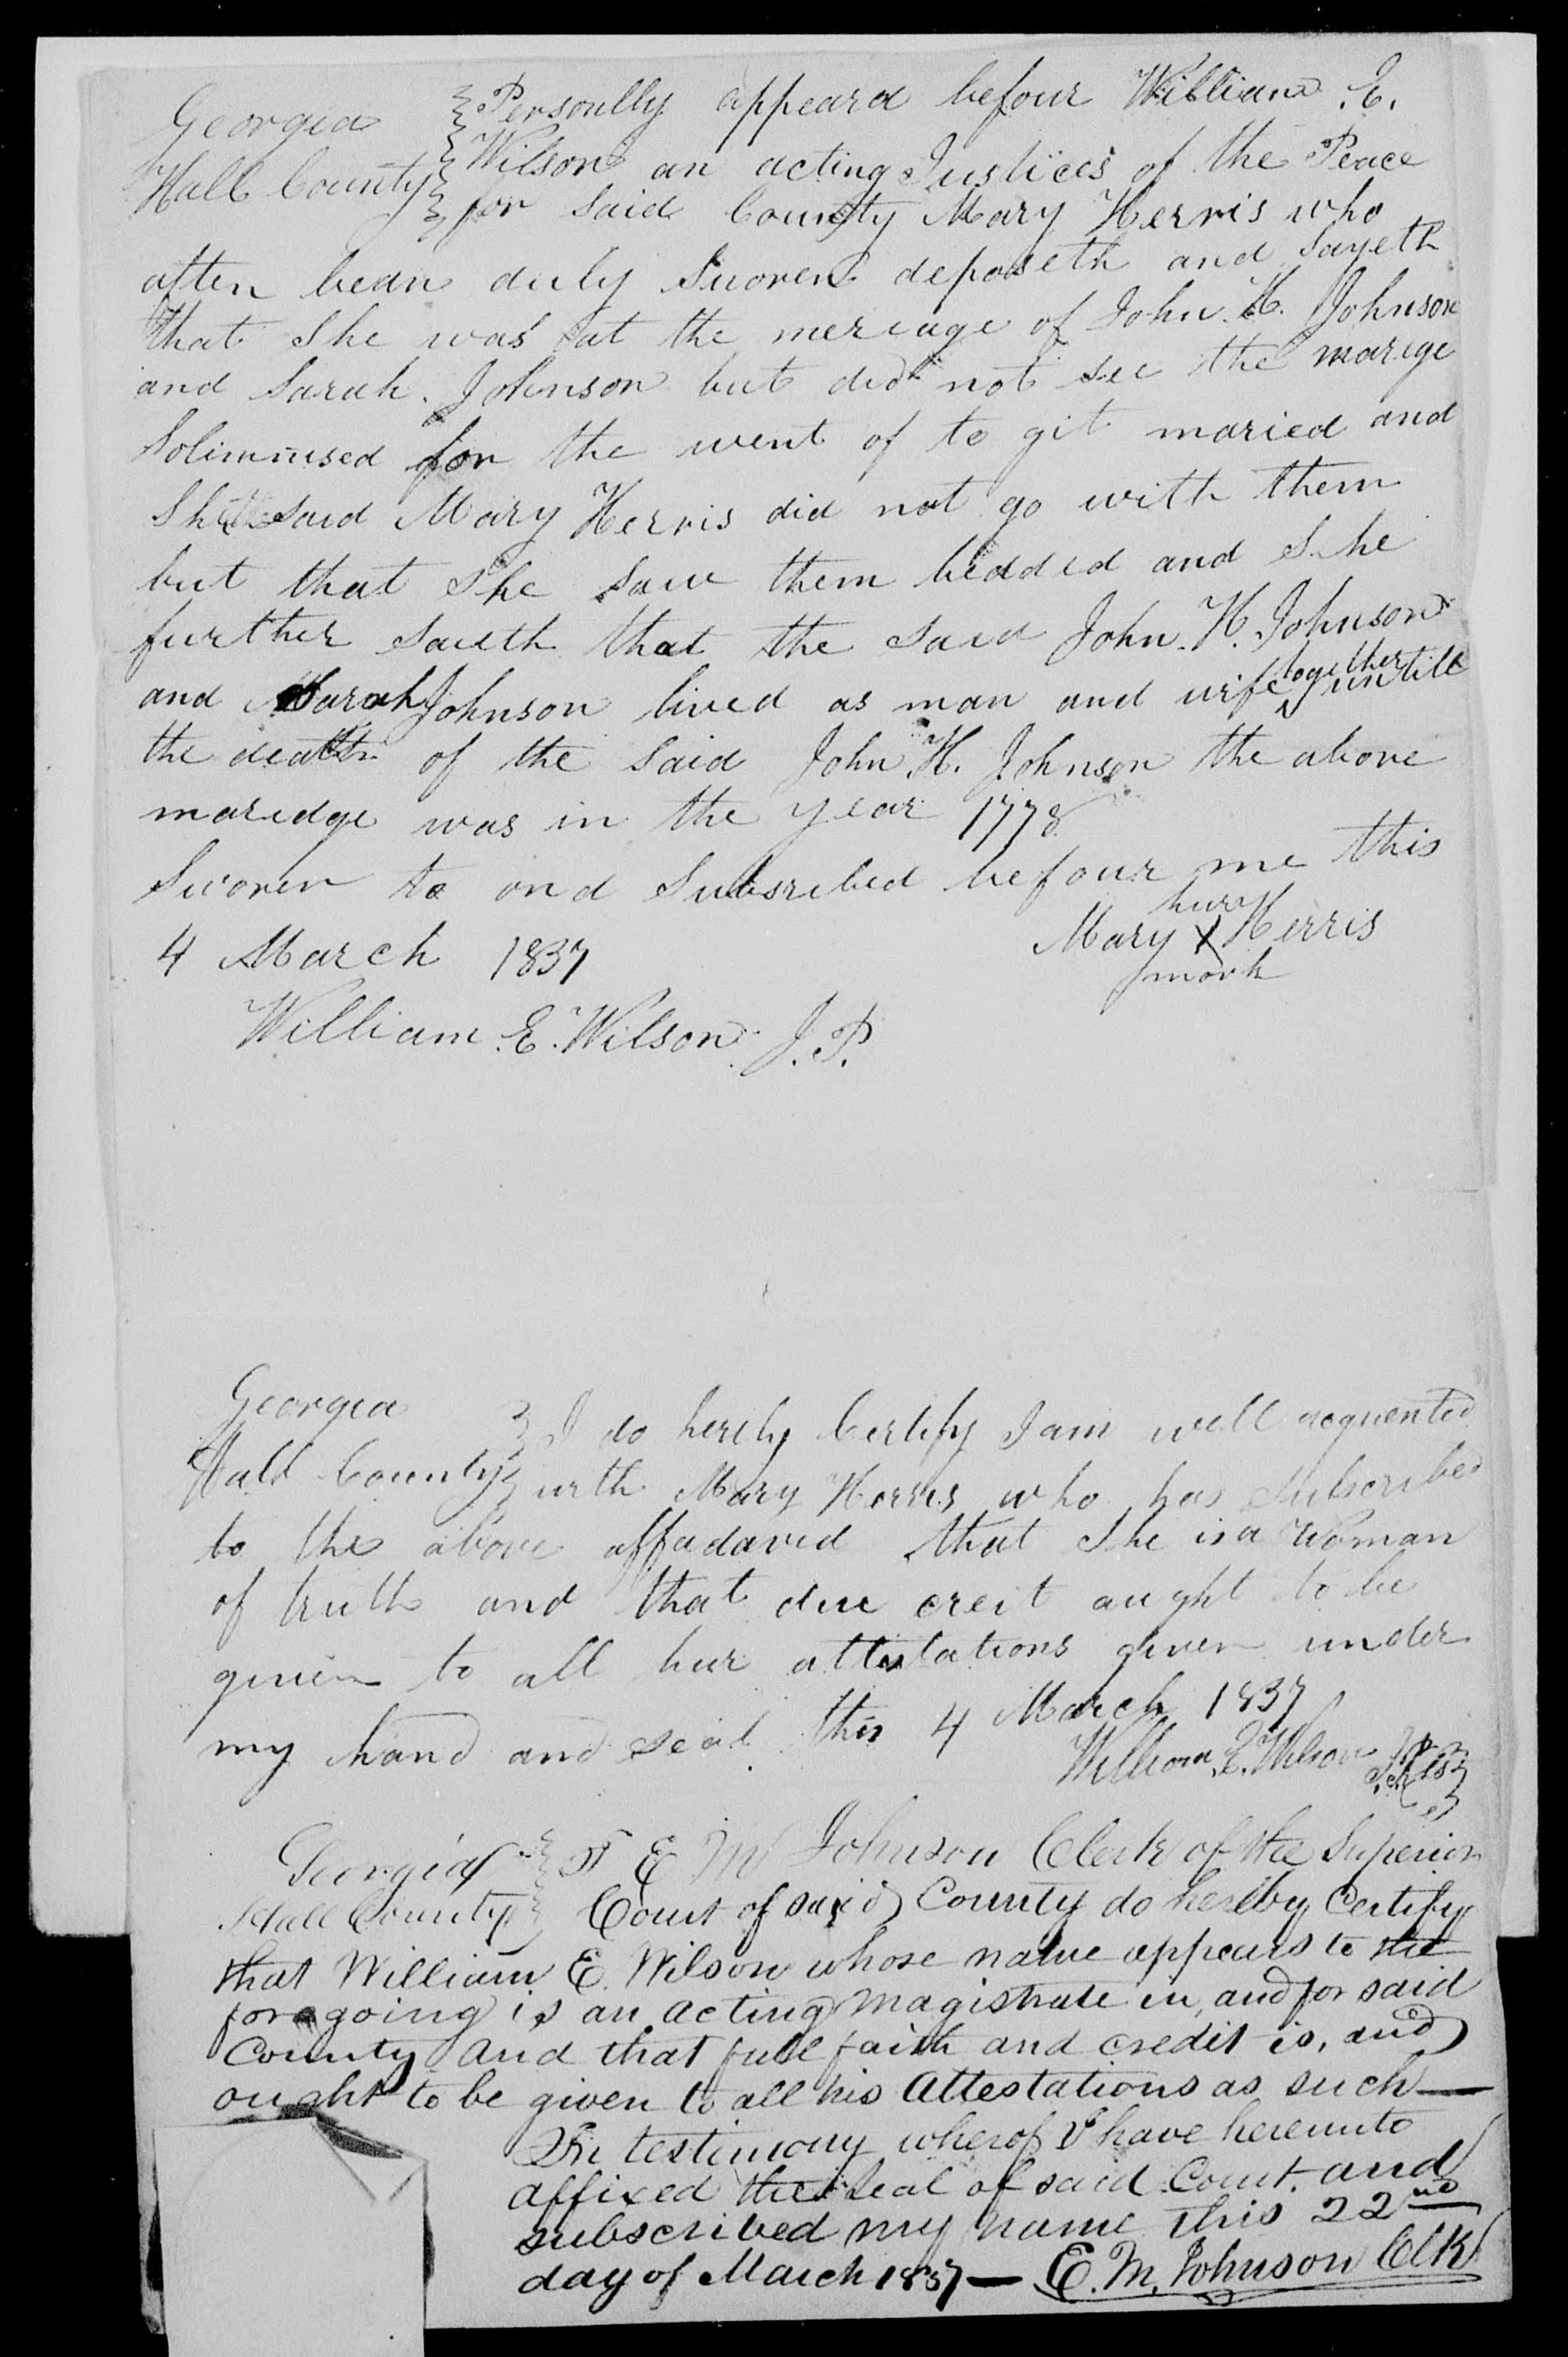Georgia }
Hall County }
Personally appeared befour William E. Wilson an acting Justices of the Peace for said County Mary Herris who after bean [sic; being] duly Sworn deposeth and sayeth That She was at the meriage [sic; marriage] of John H, Johnson and Sarah Johnson but did not see the marige [sic; marriage] Solemnised for the went of to git maried and She said Mary Herris did not go with them but that she saw them bedded and She further Saith that the said John. H. Johnson and Sarah Johnson lived as man and wife ^together untill the death of the said John H. Johnson the above maridge was in the year 1778.

Sworn to and Subscribed befour me this 4 March 1837
S/William E. Wilson J.P.
Mary [X her mark] Herris



Georgia }
Hall County }
I do hereby Certify I am well acquainted with Mary Harris who has subscribed to the above affidavit that She is a Woman of truth and that due credit ought to be given to all her attestations given under my hand and seal this 4 March 1837
S/William E. Wilson J.P. [personal seal]


Georgia }
Hall County }
I E M Johnson Clerk of the Superior Court of said County do hereby Certify that William E. Wilson whose name appears to the foregoing is an acting magistrate in, and for said county and that full faith and credit is, and ought to be given to all his attestations as such -
The testimony whereof I have hereunto affixed the seal of said Court and subscribed my name this 22nd day of March 1837 -
S/E. M. Johnson Clk
[seal]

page: 25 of 26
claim: widow's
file: W. 4464, for John H Johnson, Georgia